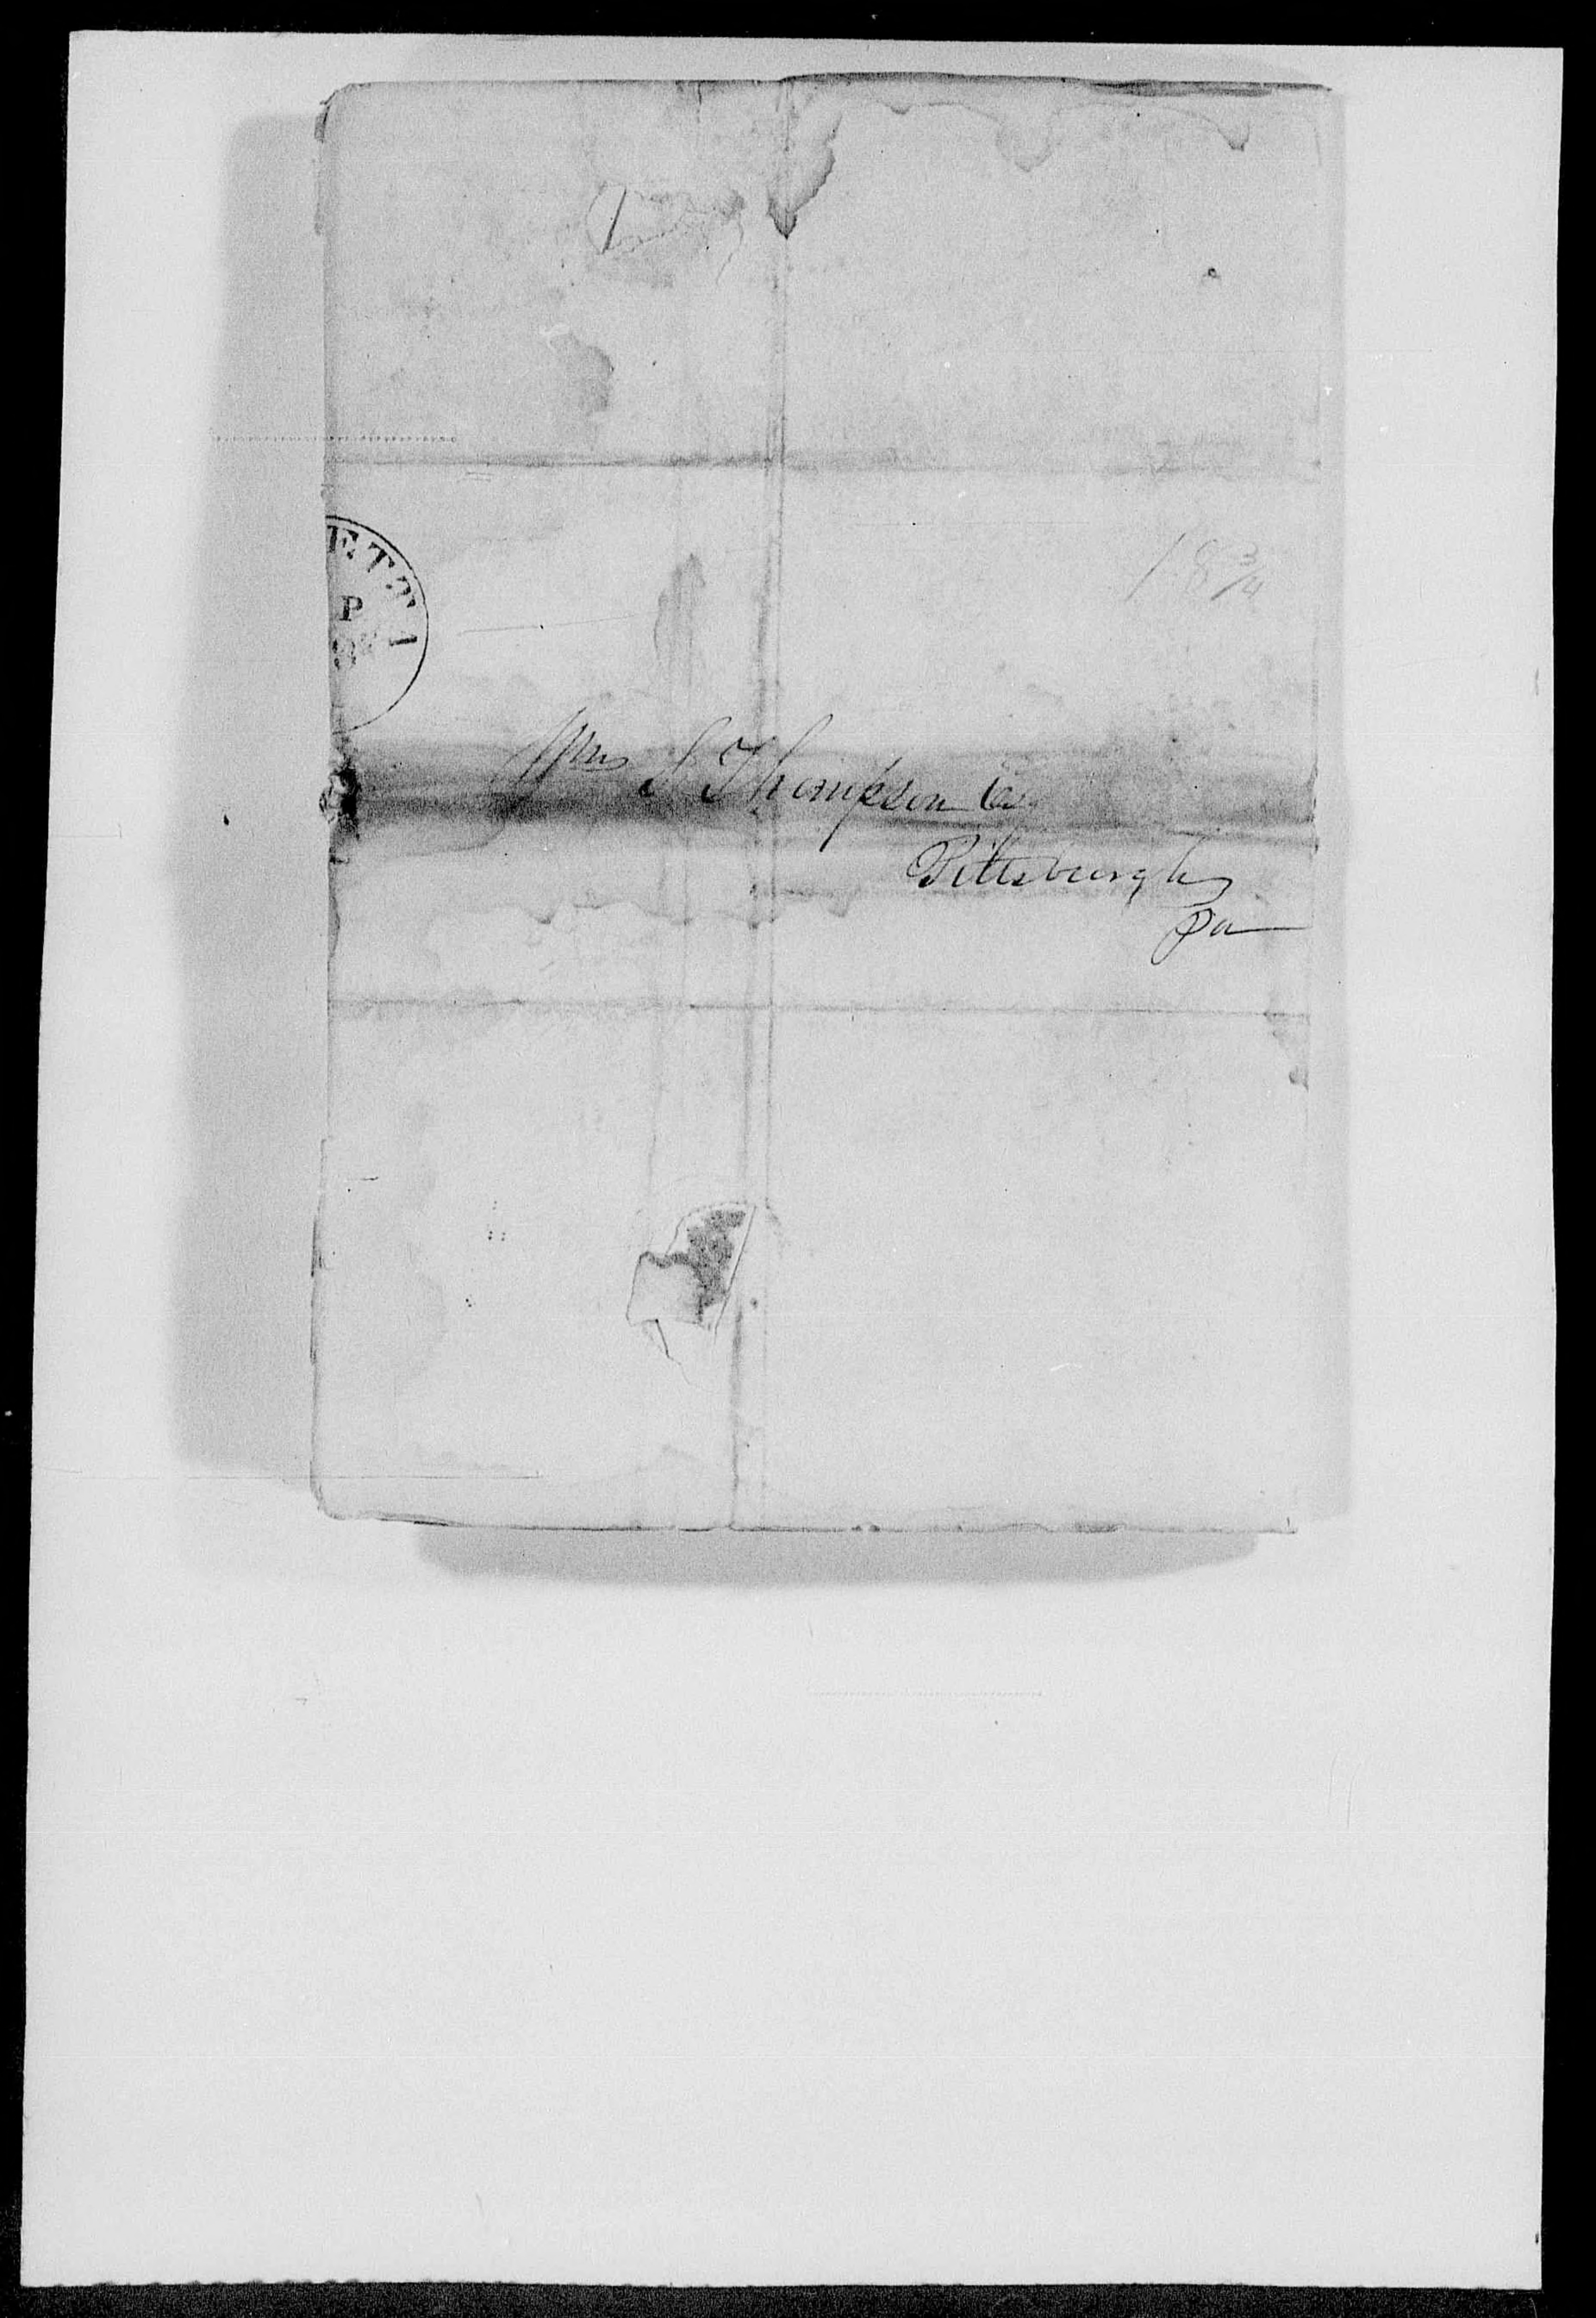Wm S Thompson Esq.
Pittsburgh Pa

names: Wm S Thompson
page: 33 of 35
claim: rejected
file: R. 2066, William Clutter, New Jersey